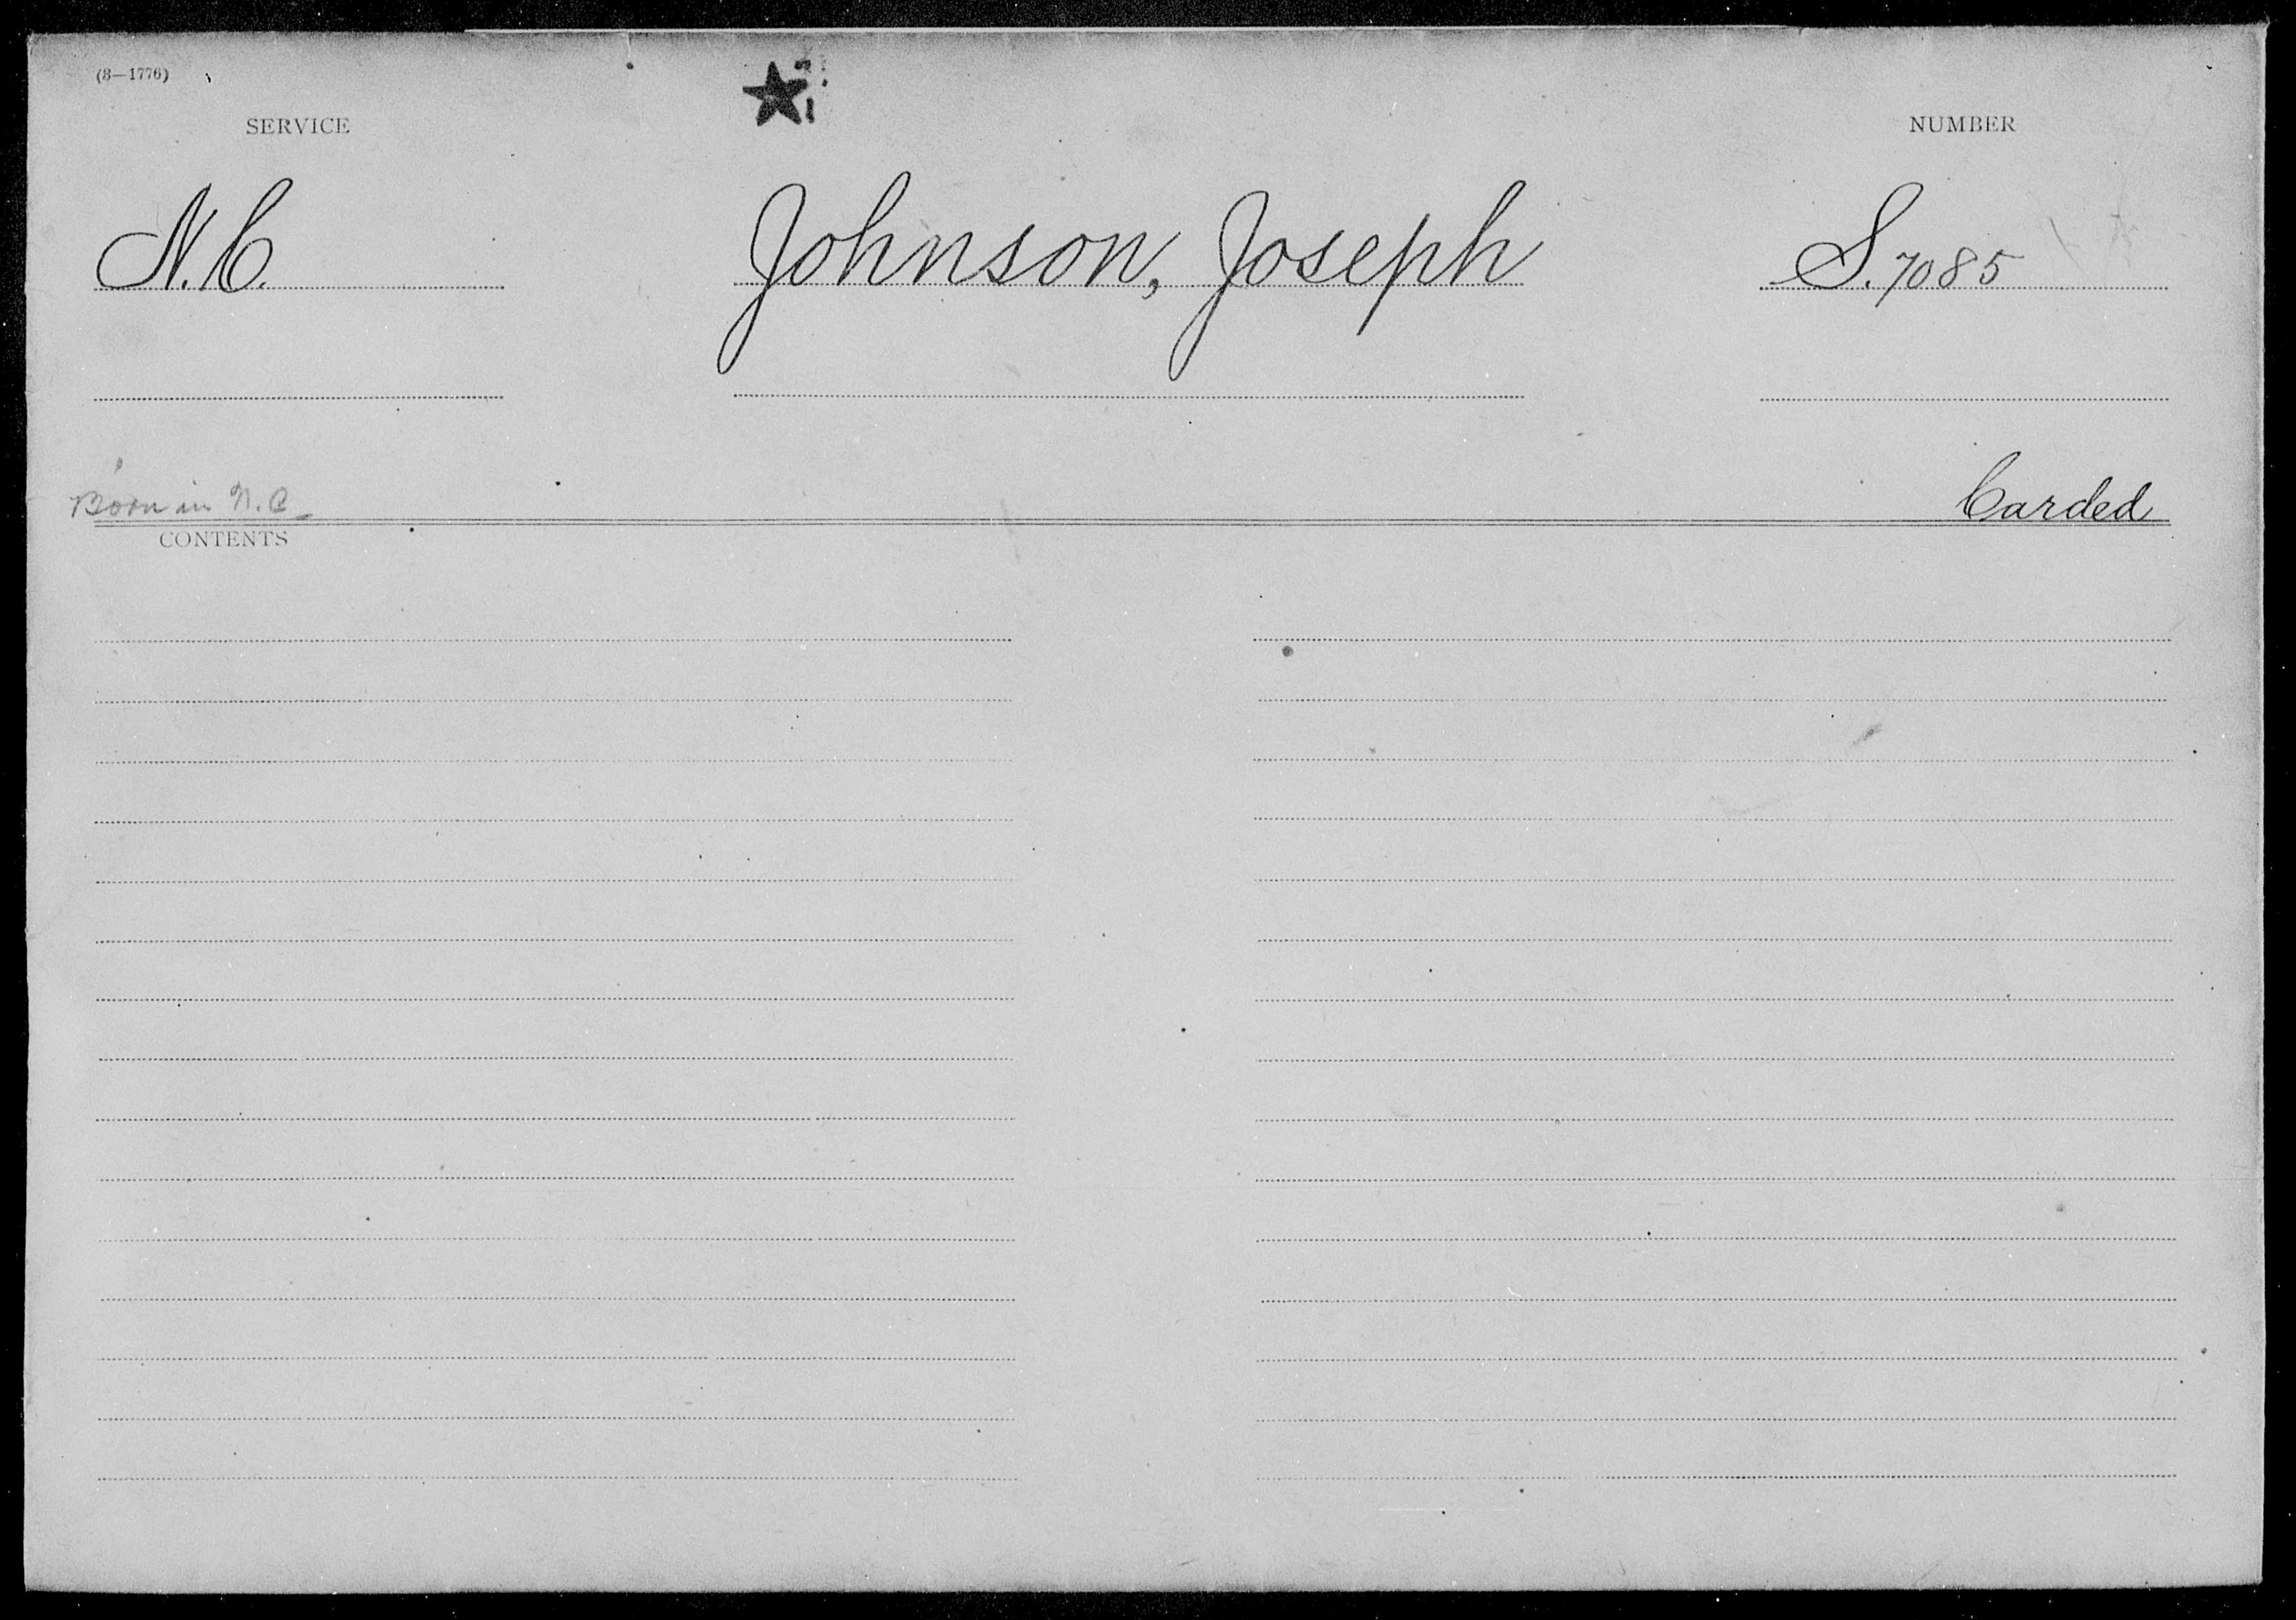Service N.C.
Johnson, Joseph
Number S. 7085

Born in N.C. Carded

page: 1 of 9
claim: survivor's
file: S. 7085, for Joseph Johnson, North Carolina